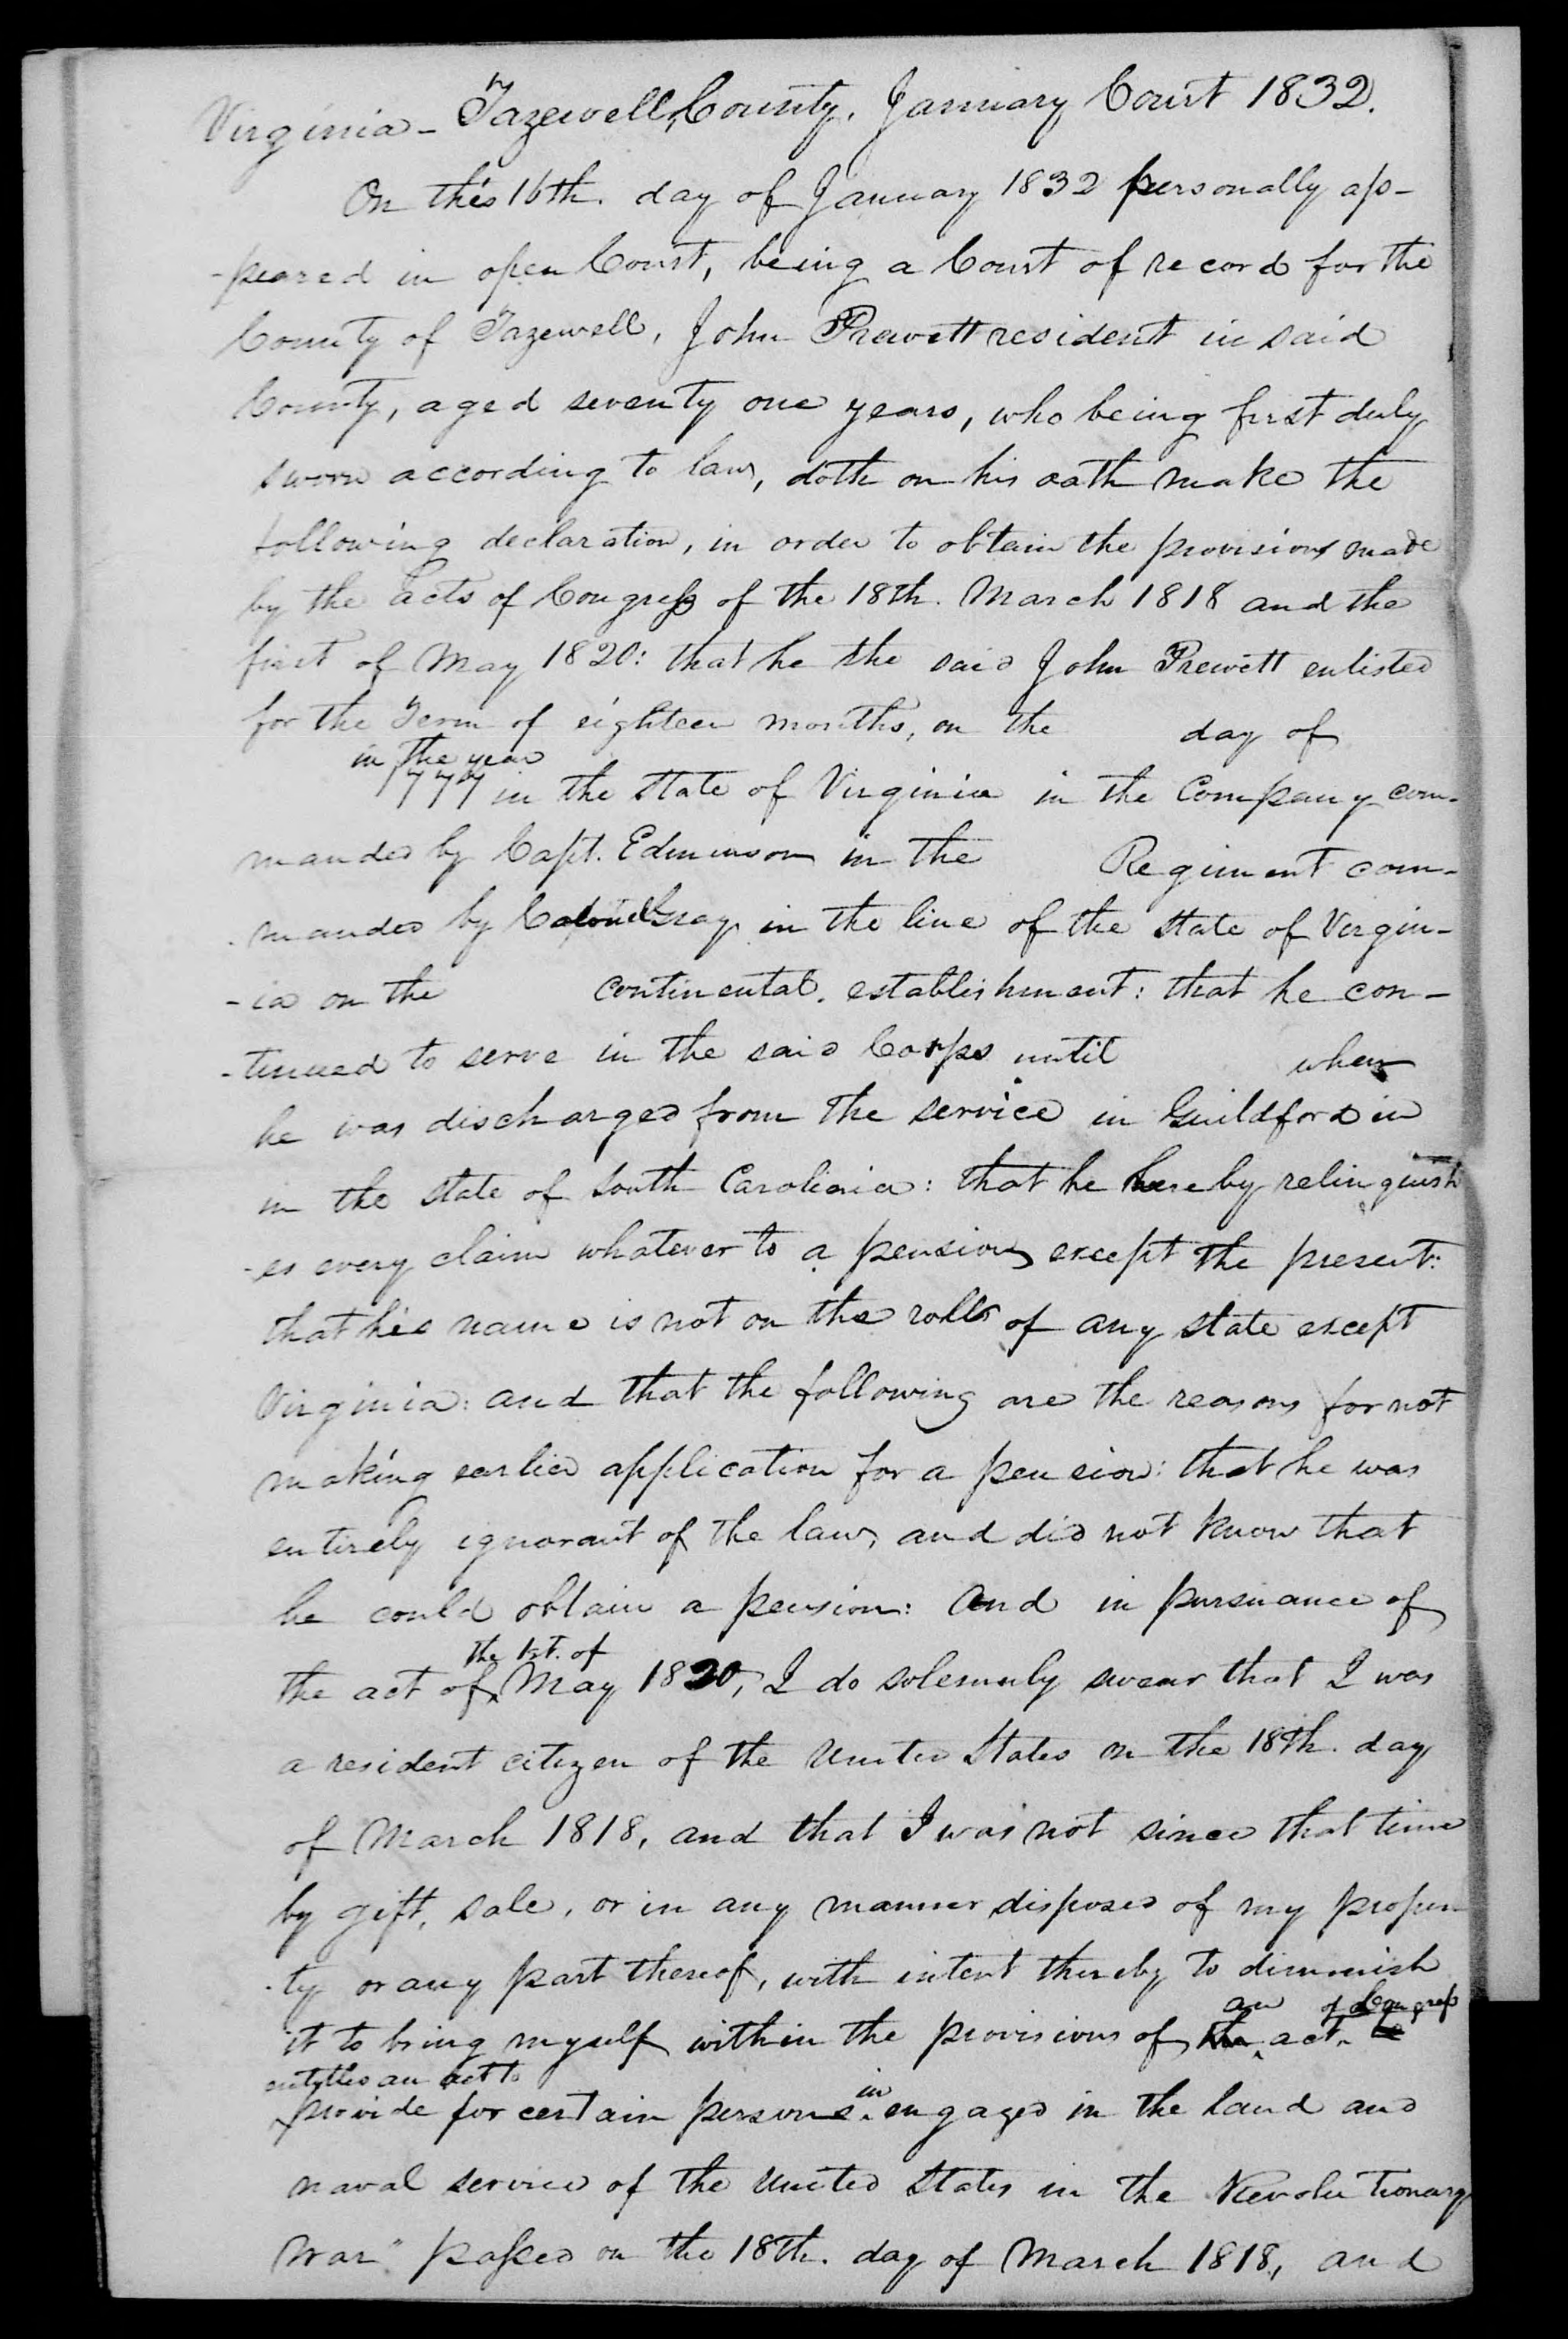Virginia - Tazewell, County, January Court 1832.
On this 16th day of January 1832 personally appeared in open Court, being a Court of record for the County of Tazewell, John Prewett resident in said County, aged seventy one years, who being first duly sworn according to law, doth on his oath make the following declaration, in order to obtain the provisions made by the acts of Congress of the 18th March 1818 and the first of May 1820: that he the said John Prewitt enlisted for the Term of eighteen months, on the __ day of ___ in the year 1777 in the State of Virginia in the Company Commanded by Capt. Edminson in the __ Regiment commanded by Colonel Gray in the line of the State of Virginia on the ___ Continental establishment: that he continued to serve in the said Corps until ___ when he was discharged from the service in Guilford in in the State of South Carolina: that he hereby relinquishes every claim whatever to a pension except the present: That his name is not on the rolls of any state except Virginia: and that the following are the reasons for not making earlier application for a pension: that he was entirely ignorant of the law, and did not know that he could obtain a pension: And in pursuance of the act of the 1st of May 1820, I do solemnly swear that I was a resident citizen of the United States on the 18th day of March 1818, and that I was not since that time by gift, sale, or in any manner disposed of my property or any part thereof, with intent thereby to diminish it to bring myself within the provisions of an act of Congress entitled an act to provide for certain persons in engaged in the land and naval service of the United States in the Revolutionary War passed on the 18th day of March 1818, and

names: John Prewett; [BLANK] Gray; [BLANK] Edminson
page: 34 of 35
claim: survivor's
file: S. 30,665, for John Prewett, Virginia